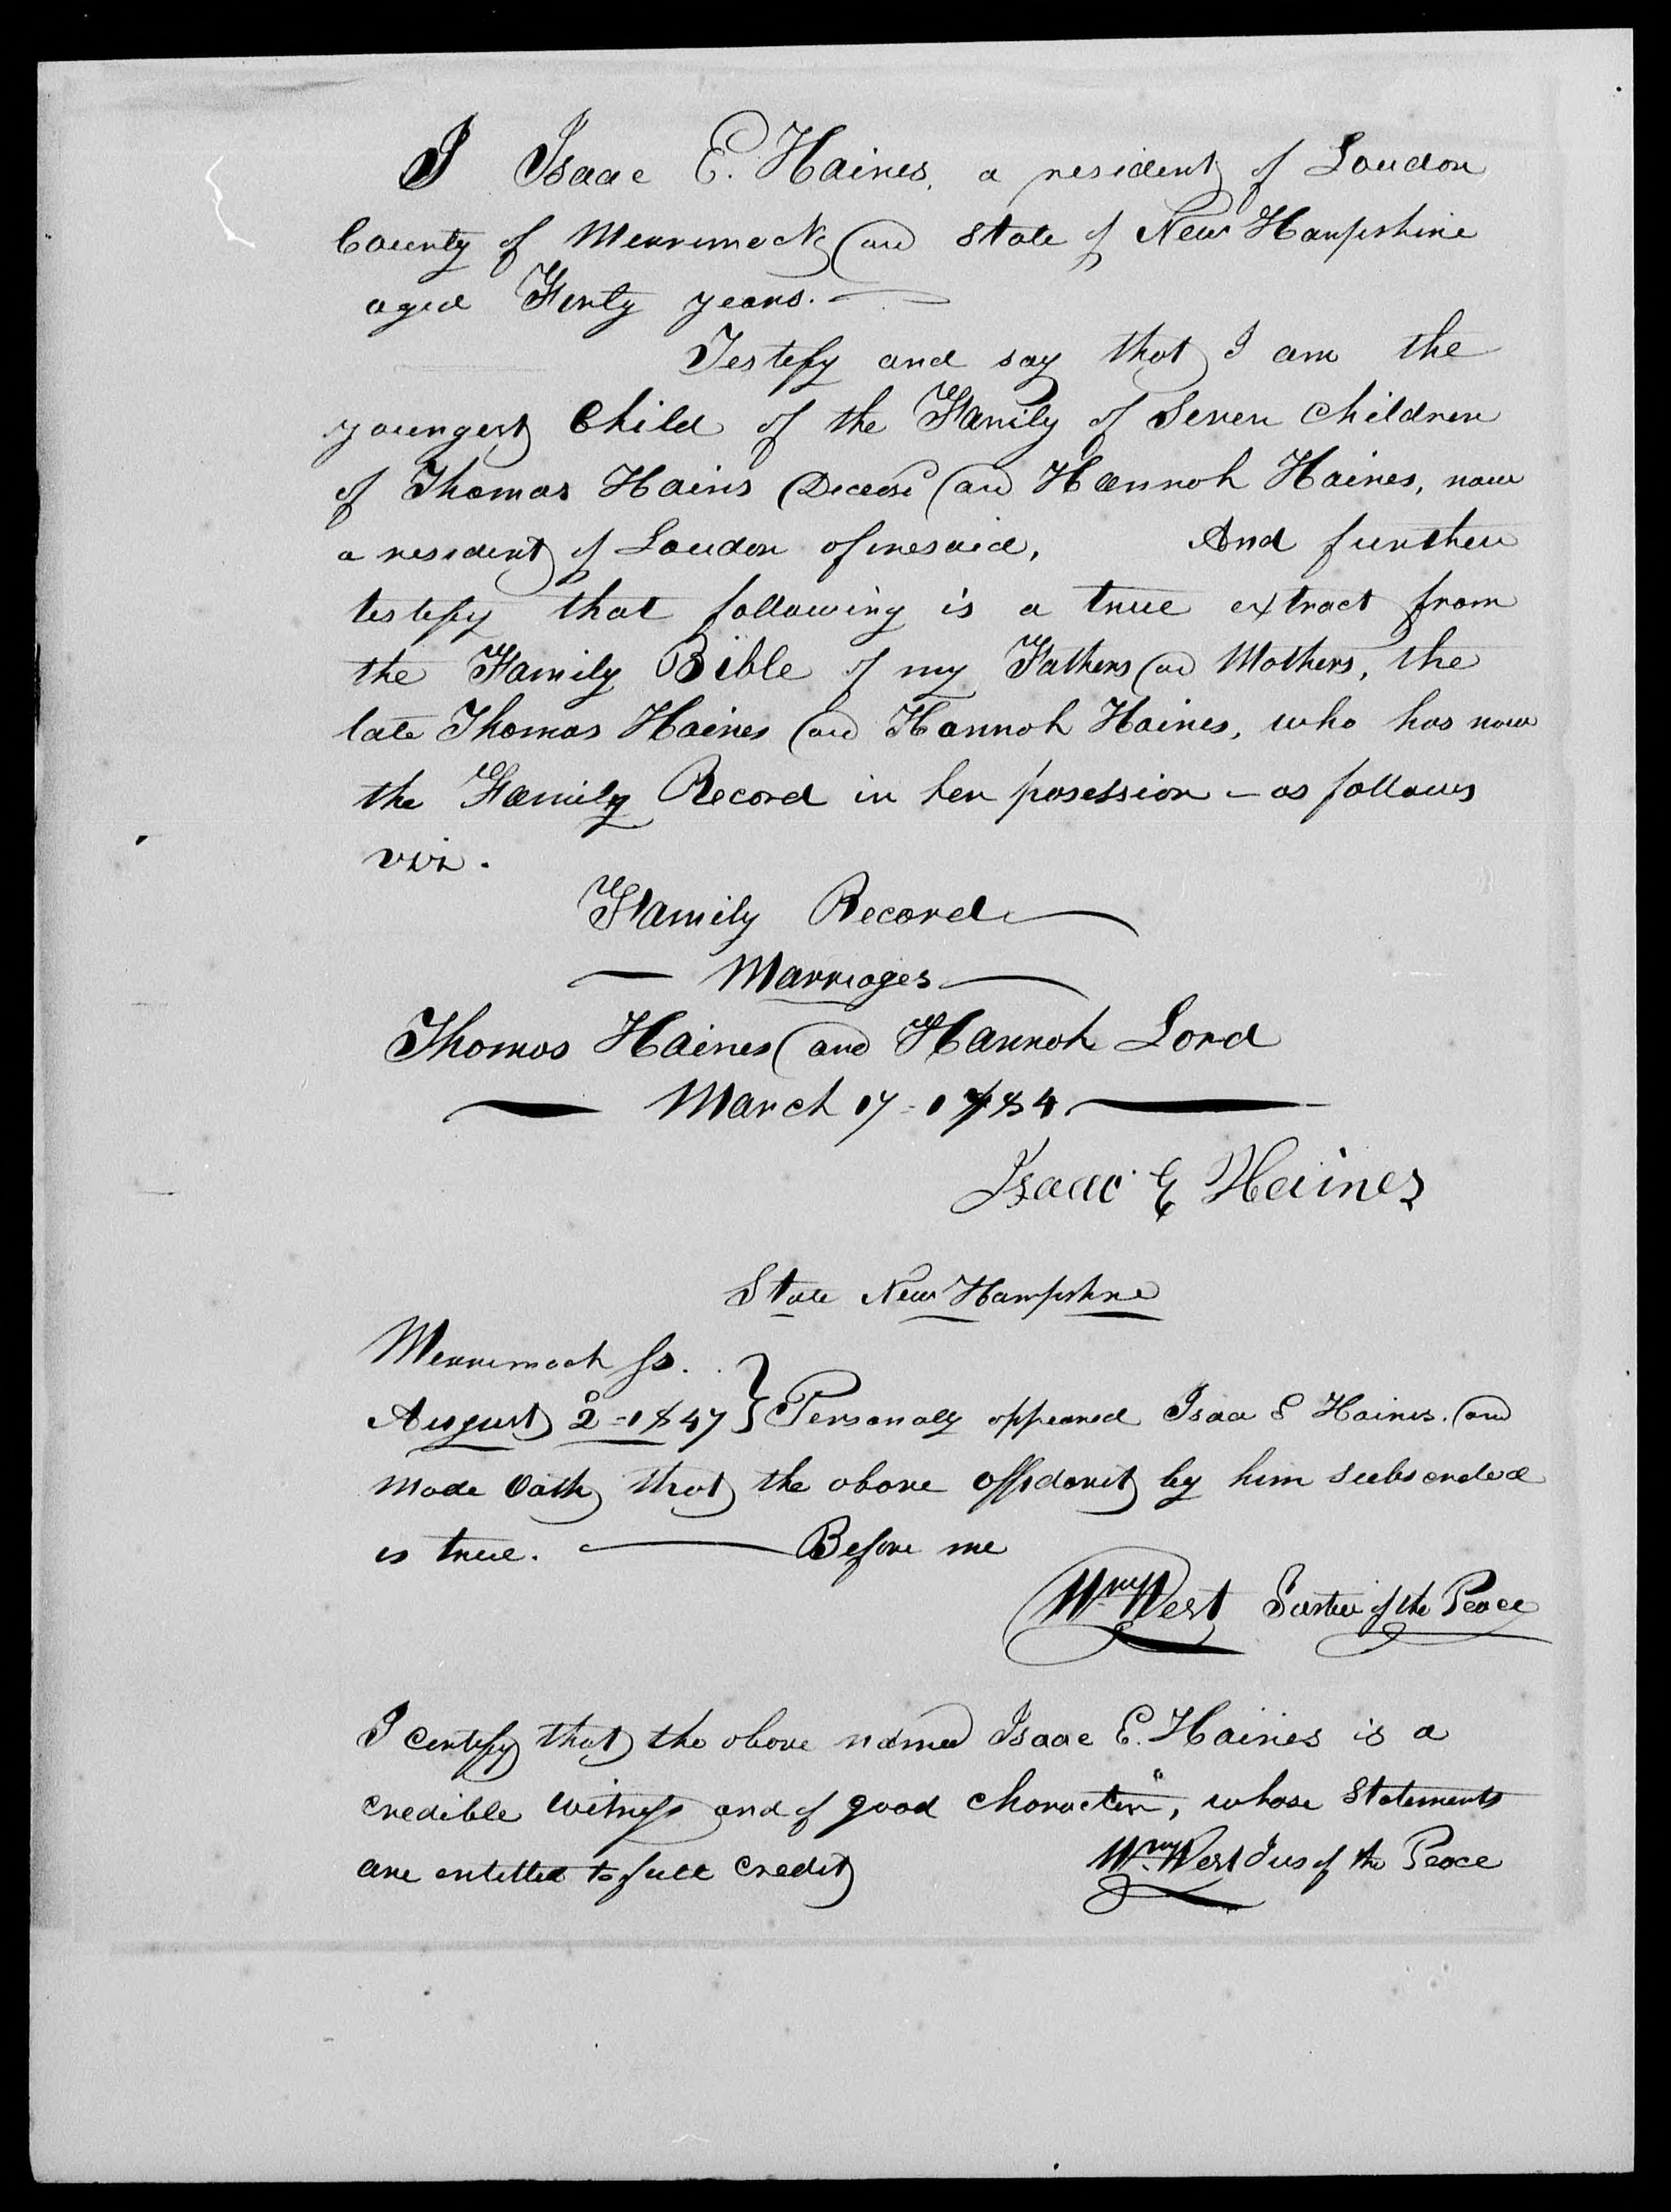I Isaac E. Haines, a resident of Loudon County of Merrimack and State of New Hampshire aged Forty years—

Testify and say that I am the youngest child of the Family of Seven children of Thomas Hains[sp] Deceased and Hannah Haines, now a resident of Loudon aforesaid. And further testify that following is a true extract from the Family Bible of my Fathers and Mothers, the late Thomas Haines and Hannah Haines, who has now the Family Record in her posession[sp] - as follows viz.

Family Record
—Marriages—
Thomas Haines and Hannah Lord
—March 17, 1784

Isaac E Haines

State New Hampshire
Merrimack ss
August 2 1847 } Personally appeared Isaac E Haines and made oath that the above affidavit by him subscribed is true.    Before me
Wm. West. Justice of the Peace

I certify that the above named Isaac E. Haines is a credible witness and of good character, whose Statements are entitled to full credit
Wm West Jus of the Peace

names: Isaac E Haines, Wm West, Isaa E Haines, Thomas Hains, Hannah Haines, Wm West, Hannah Lord, Isaac E Haines, Isaac E Haines, Hannah Haines, Thomas Haines, Thomas Haines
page: 16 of 57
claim: widow's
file: W. 23217, Thomas Haines, N H